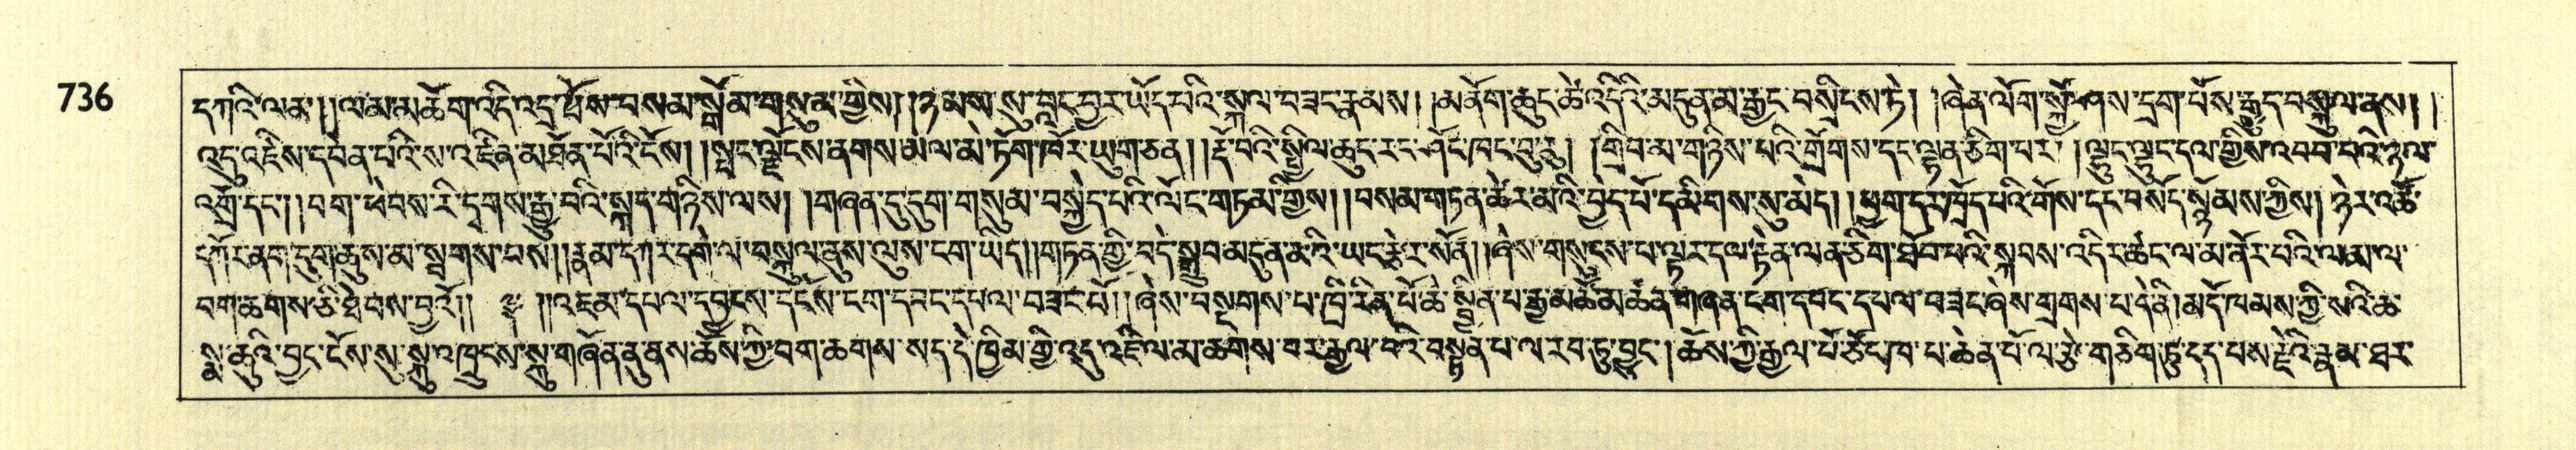དཀའི་ལམ། །ལམ་མཆོག་འདི་འདྲ་པོས་བསམ་སྒོམ་གསུམ་གྱིས། །ཉམས་སུ་བླང་བྱར་ཡོད་པའི་སྐལ་བཟང་རྣམས། །མནོག་ཆུང་ཚེ་འདིའི་མདུན་མ་རྒྱང་བསྲིངས་ཏེ། །ཞེན་ལོག་སྐྱོ་ཤས་དྲག་པོས་རྒྱུད་བསྐུལ་ནས། །
འདུ་འཛིས་དབེན་པའི་ས་འཛིན་མཐོན་པོའི་ངོས། །སྤང་ལྗོངས་ནགས་མལ་མེ་ཏོག་ཁོར་ཡུག་ཅན། །རྡོ་བའི་སྤྱིལ་ཆུང་རང་ཤོང་ཁང་བུ་རུ། །གྲིབ་མ་གཉིས་པའི་གྲོགས་དང་ལྷན་ཅིག་པར། །ལྷུང་ལྷུང་དལ་གྱིས་འབབ་པའི་ཉལ་
འགྲོ་དང་། །བག་ཕེབས་རི་དྭགས་རྒྱུ་བའི་སྐད་གཉིས་ལས། །གཞན་དུ་དུག་གསུམ་བསྐྱེད་པའི་ལོང་གཏམ་གྱིས། །བསམ་གཏན་ཚེར་མའི་བྱེད་པོ་དམིགས་སུ་མེད། །ཕྱག་དང་ཁྲོད་པའི་གོས་དང་བསོད་སྙོམས་ཀྱིས། ཉེར་འཚོ་
དཀོར་ནག་དུག་ཆུས་མ་སྦགས་པས། །རྣམ་དཀར་དགེ་ལ་བསྐུལ་ནུས་ལུས་ངག་ཡིད། །གཏན་གྱི་བདེ་སྒྲུབ་མདུན་མའི་ཡང་རྩེར་སོན། །ཞེས་གསུངས་པ་ལྟར་དལ་རྟེན་ལན་ཅིག་ཐོབ་པའི་སྐབས་འདིར་ཚང་ལ་མ་ནོར་པའི་ལམ་ལ་
བག་ཆགས་ཅི་ཐེབས་བྱའོ།། ༈ །།འཇམ་དཔལ་དབྱངས་དངོས་ངག་དབང་དཔལ་བཟང་པོ། །ཞེས་བསྔགས་པ་ཁྲི་རིན་པོ་ཆེ་སྦྱིན་པ་རྒྱ་མཚོ་མཚན་གཞན་ངག་དབང་དཔལ་བཟང་ཞེས་གྲགས་པ་དེ་ནི། མདོ་ཁམས་ཀྱི་སའི་ཆ་
སམ་ཆུའི་བྱང་ངོས་སུ་སྐུ་འཁྲུངས་སྐུ་གཞོན་ནུ་ནས་ཆོས་ཀྱི་བག་ཆགས་སད་དེ་ཁྱིམ་གྱི་འདུ་འཛིལ་མ་ཆགས་བར་རྒྱལ་བའི་བསྟན་པ་ལ་རབ་ཏུ་བྱུང་། ཆོས་ཀྱི་རྒྱལ་པོ་ཙོང་ཁ་པ་ཆེན་པོ་ལ་རྩེ་གཅིག་ཏུ་དད་པས་རྗེའི་རྣམ་ཐར་